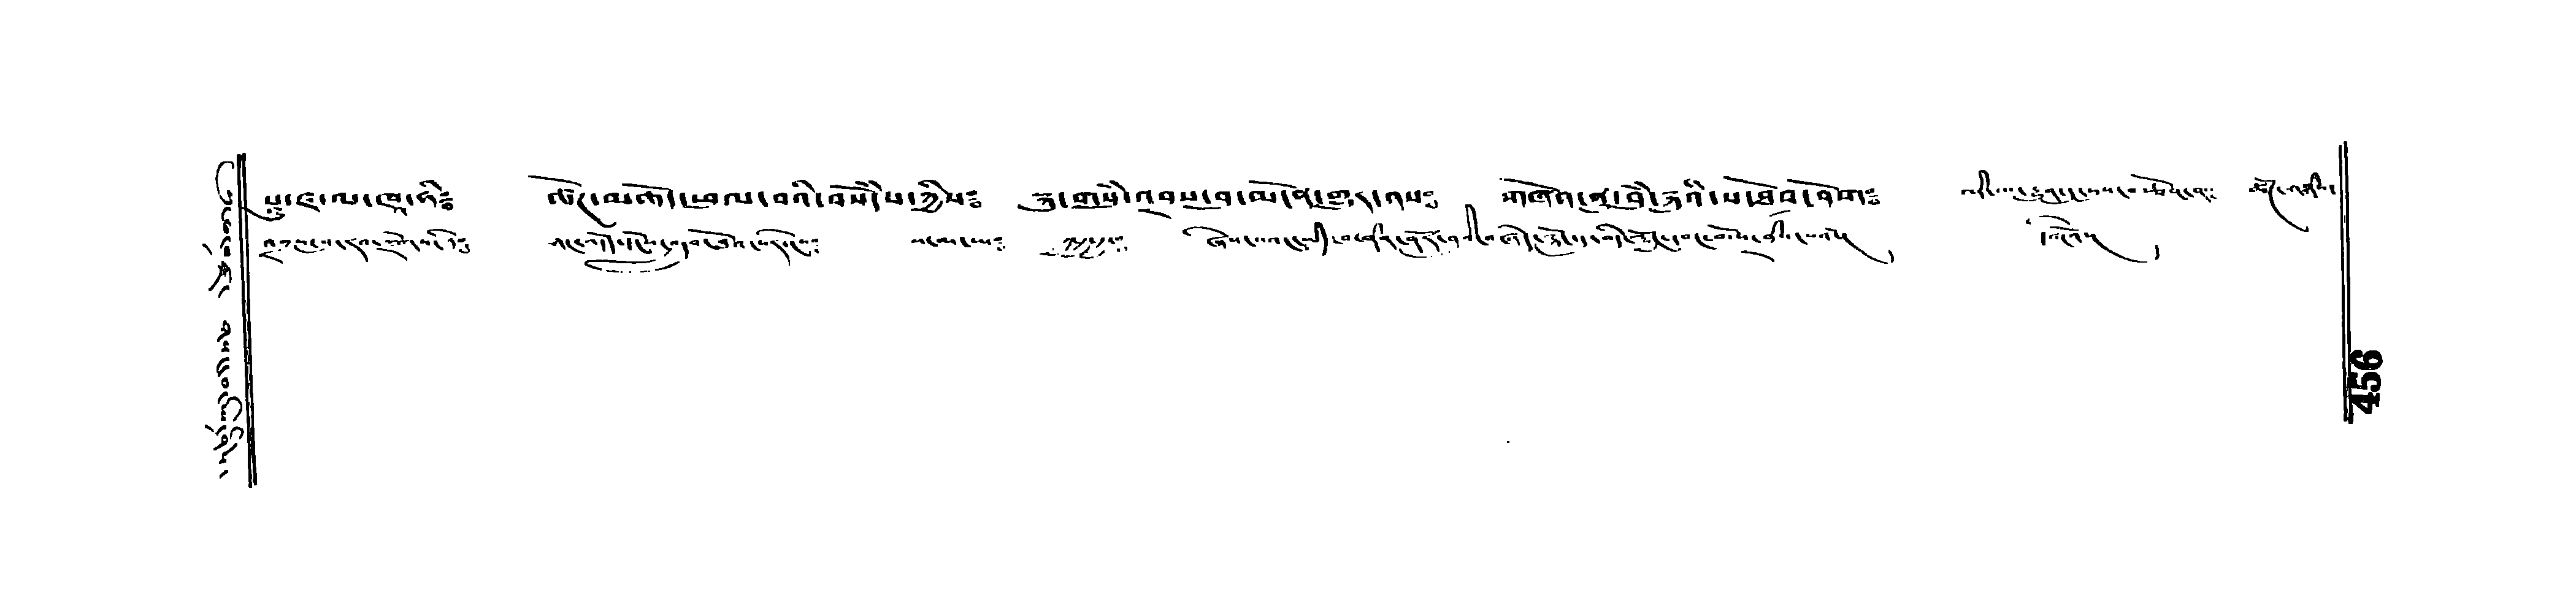པཱུ་ཛ་ལ་ཁཱ་ཧིཿ ཚོགས་མཆོད་ཕུལ་བའི་བསོད་ནམས་ཀྱིས༔ སྐུ་གསུམ་འབྲས་བུ་མངོན་གྱུར་ནས༔ གཞོན་ནུ་བུམ་སྐུའི་ས་ཐོབ་ཤོག༔ འདི་ལ་རྒྱུན་དུ་སུས་བརྩོན་ན༔ ཚོགས་གཉིས་
འབྲས་བུ་རབ་རྫོགས་ཏེ༔ གང་འདོད་དངོས་གྲུབ་ཐོབ་པར་ངེས༔ ས་མ་ཡ༔ རྒྱ་རྒྱ་རྒྱ༔ ཞེས་པའང་ཡིད་བཞིན་ནོར་བུའི་བཞེད་སྐོང་དུ་བདེ་སྐྱོང་དབང་མོས་བྲིས་པའོ།། དགེའོ།།